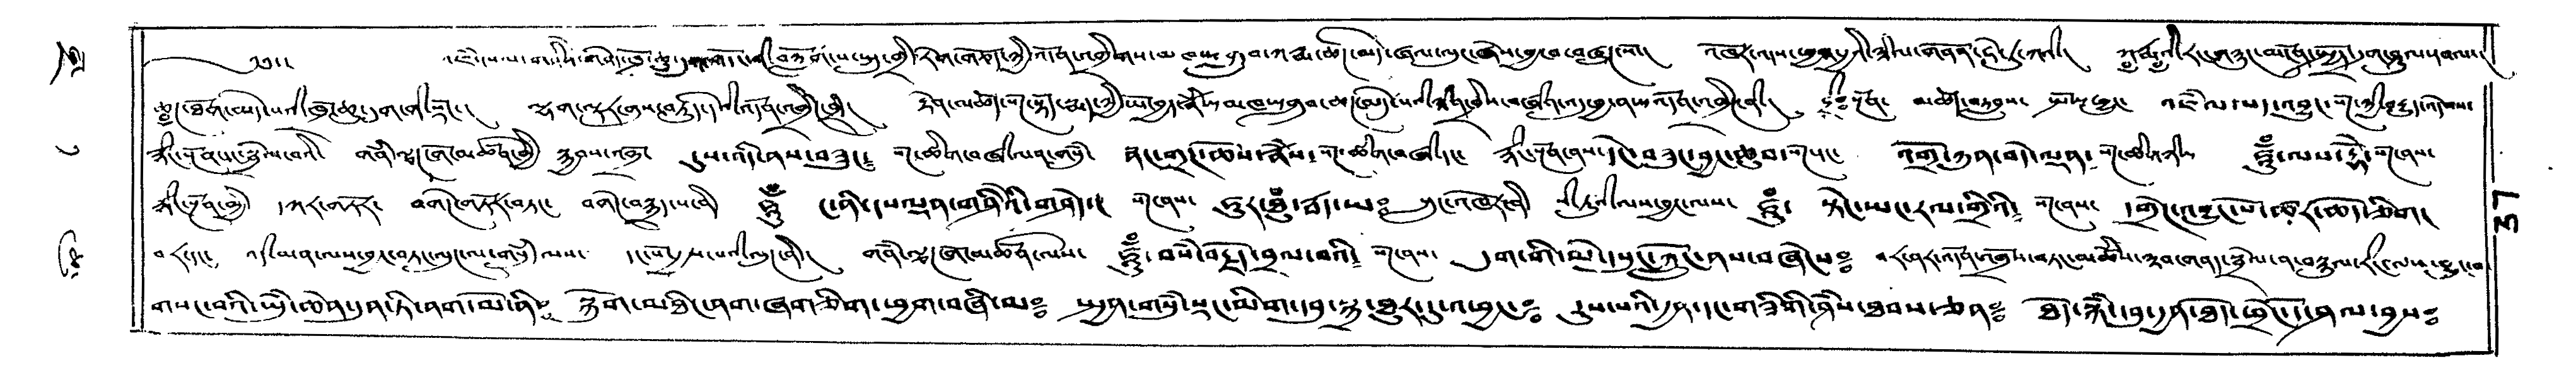༈ འཇམ་དཔལ་གཤིན་རྗེ་གཤེད་ཁྲོ་ཆུ་དུག་སྡོང་གི་བཟློག་པ་སྤུ་གྲི་རེག་གཅོད་ཀྱི་འདོན་འགྲིགས་མཁས་གྲུབ་ཀརྨ་ཆགས་མེད་ཞལ་ལུང་ཞེས་བྱ་བ་བཞུགས་སོ། འཁོར་འདས་ཕྱག་རྒྱས་ཟིལ་གནོན་ཧེ་རུ་ཀའི། །ཀརྨའི་རང་གཟུགས་མངོན་སྤྱོད་དྲག་ཤུལ་དབལ། །
ཆགས་ཐོགས་མེད་པའི་ཁྲོ་ཆུ་དུག་གི་སྡོང་། ལྷག་ལྷར་གུས་བཏུད་དེའི་འདོན་འགྲིགས་བྲི། རྟེན་མཆོད་སོགས་སྟོད་སྨད་ཀྱི་ཡོ་བྱད་རྣམས་མཁས་གྲུབ་ཆགས་མེད་པའི་ཟིན་བྲིས་བཞིན་འདུ་བྱས་ནས་འདོན་འགྲིགས་ནི། ཧྲཱིཿསྡོན་གྱི༴ མཆོད་བརླབས། སྤོས་ཕྱུང་། འཇམ་དཔལ་པད་འབྱུང༴ སོགས་ཀྱི་བརྒྱུད་འདེབས། 
རྙིང་སྔོན་དང་སྦྲེལ་བའི་གནམ་ལྕགས་གོ་མཚོན་གྱི་སྐྱབས་འགྲོ། དུས་འདི་ནས་བཟུང༴ སོགས་ཚིག་བཞི་ལན་གསུམ། སྣང་གྲགས་ཆོས་རྣམས༴ སོགས་ཚིག་བཞི་དང་། རྙིང་སྔོན་ནས། དེར་བཟུང་བྱང་ཆུབ༴ སོགས་དང་། འགྲོ་ཀུན་བདེ་ལྡན་༴ སོགས་ཚིག་གཉིས། ཧཱུྃ་ལས་རྡོ་རྗེ༴ སོགས་ནས་
རྙིང་སྔོན་གྱི། དཀར་གཏོར། བགེགས་གཏོར་བཏང་། བགེགས་བསྐྲད་པ་ནི། ཧཱུྃཿ ང་ནི་དཔལ་ལྡན་གཤིན་རྗེའི་གཤེདཿ སོགས་ནས། ཧུར་ཐུཾ་རྦདཨ༔ སྲུང་འཁོར་ནི། སི་ཏུའི་ལས་བྱང་ལས། ཧཱུྃ༔ སྟེང་ཡང་རལ་གྲིའི༴ སོགས་ནས། དགྲ་གེགས་འབྱུང་པོ་ཚར་ཆོད་ཅི༔ 
བར་དང་། འདི་མན་ལས་བྱང་བཏང་ལུགས་ལ་གསུམ་ལས། དང་པོ་རྒྱས་པའི་ལུགས་ནི། གནམ་ལྕགས་གོ་མཚོན་ལས། ཧཱུྃཿབསམ་བརྗོད་བྲལ་བའི༴ སོགས་ནས། དུག་གི་མེ་དཔུང་ཀློང་ནས་བཞེངས༔ བར་ནར་འདོན་འགྲོས་བཏང་མཚམས་ཟབ་གནད་སྦྲེལ་ན་བསྐུལ་རིང་ལས་ཕྱུང་བ། 
གསང་བའི་ཡུམ་ཆེན་དུན་ཏི་ནག་མོ་ནི༔སྐུ་མདོག་མཐིང་ནག་ཞག་ཅིག་ཕྱག་བཞི་མ༔ སྤྱན་གསུམ་སྡང་མིག་དབུ་སྐྲ་ཐུར་དུ་འཕྱང༔ རུས་པའི་རྒྱན་དང་གཟིག་གི་ཤམས་ཐབས་ཅན༔ ཐོད་སྐམ་བུ་རྒྱན་ཐོད་ཕྲེང་དོ་ཤལ་བྱསཿ